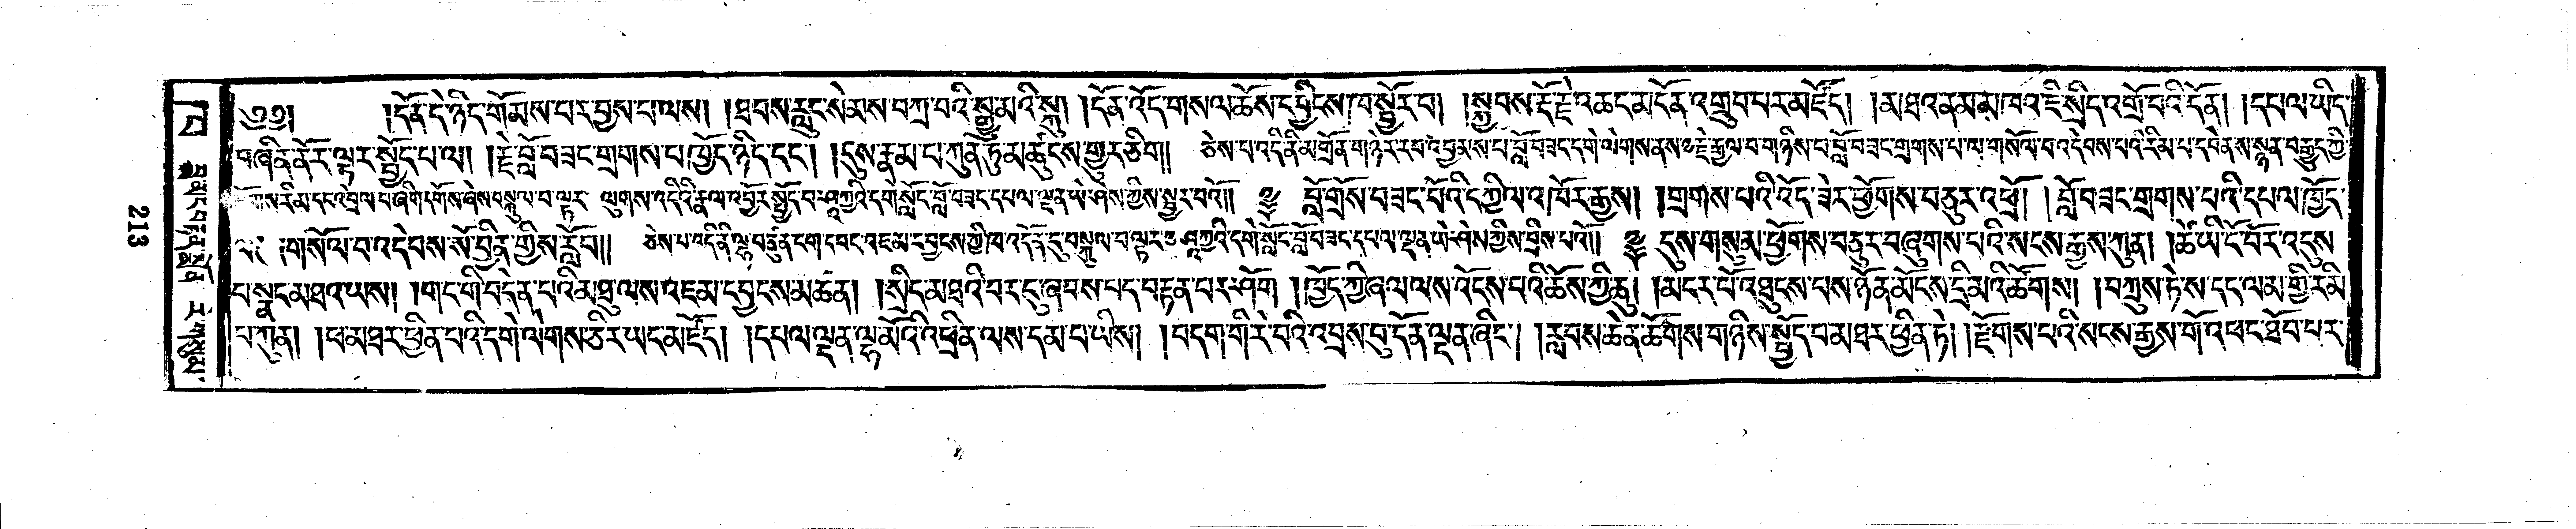༄༅། །དོན་དེ་ཉིད་གོམས་པར་བྱས་པ་ལས། །ཐབས་རླུང་སེམས་བཀྲ་བའི་སྒྱུ་མའི་སྐུ། །དོན་འོད་གསལ་ཆོས་དབྱིངས་ཁ་སྦྱོར་བ། །སྐྱབས་རྡོ་རྗེ་འཆང་མངོན་འགྲུབ་པར་མཛོད། །མཐའ་ནམ་འདིའི་རྣལ་འབྱོར་སྤྱོད་བ་ཤཱཀྱའི་དགེ་སློང་བློ་བཟང་དཔལ་ཡི་
བཞིན་ནོར་ལྟར་སྦྱོད་པ་ལ། །རྗེ་བློ་བཟང་གྲགས་པ་ཁྱོད་ཉིད་དང་། །དུས་རྣམ་པ་ཀུན་ཏུ་མཚུངས་གྱུར་ཅིག། ཅེས་པ་འདི་ནི་མགྲོན་གཉེར་རབ་འབྱམས་པ་བློ་བཟང་དགེ་ལེགས་ནས་༧་རྗེ་རྒྱལ་བ་གཉིས་པ་བློ་བཟང་གྲགས་པ་ལ་གསོལ་བ་འདེབས་པའི་རིམ་པ་དབེན་ས་སྙན་བརྒྱུད་ཀྱི་
རྫོགས་རིམ་དང་འབྲེལ་བ་ཞིག་དགོས་ཞེས་བསྐུལ་བ་ལྟར་ལུགས་འདིའི་རྣལ་འབྱོར་སྤྱོད་བ་ཤཱཀྱའི་དགེ་སློང་བློ་བཟང་དཔལ་ལྡན་ཡེ་ཤེས་ཀྱིས་སྦྱར་བའོ།། ༈ བློ་གྲོས་བཟང་པོའི་དཀྱིལ་འཁོར་རྒྱས། །གྲགས་པའི་འོད་ཟེར་ཕྱོགས་བཅུར་འཕྲོ། །བློ་བཟང་གྲགས་པའི་དཔལ་ཁྱོད་
ལ༑ ༑གསོལ་བ་འདེབས་སོ་བྱིན་གྱིས་རློབ།། ཅེས་པ་འདི་ནི་ལྷ་བཙུན་ངག་དབང་འཇམ་དབྱངས་ཀྱི་ཁ་འདོན་དུ་བསྐུལ་བ་ལྟར་༧་ཤཱཀྱའི་དགེ་སློང་བློ་བཟང་དཔལ་ལྡན་ཡེ་ཤེས་ཀྱིས་བྲིས་པའོ།། ༈ དུས་གསུམ་ཕྱོགས་བཅུར་བཞུགས་པའི་སངས་རྒྱས་ཀུན། །ཚེ་ཡི་ངོ་བོར་འདུས་
པ་སྣང་མཐའ་ཡས། །གང་གི་བདེན་པའི་མཐུ་ལས་འཇམ་དབྱངས་མཚན། །སྲིད་མཐའི་བར་དུ་ཞབས་པད་བརྟན་པར་ཤོག །ཁྱོད་ཀྱི་ཞལ་ལས་འོདས་པའི་ཆོས་ཀྱི་ཆུ། །མདར་པོ་འཐུངས་པས་ཉོན་མོངས་དྲི་མའི་ཚོགས། །བཀྲུས་ཏེ་ས་དང་ལམ་གྱི་རིམ་
པ་ཀུན། །ཕ་མཐར་ཕྱིན་པའི་དགེ་ལེགས་ཅིར་ཡང་མཛོད། །དཔལ་ལྡན་ལྷ་མོའི་འཕྲིན་ལས་དམ་པ་ཡིས། །བདག་གི་རེ་བའི་འབྲས་བུ་དོན་ལྡན་ཞིང་། །རླབས་ཆེན་ཚོགས་གཉིས་སྤྱོད་པ་མཐར་ཕྱིན་ཏེ། །རྫོགས་པའི་སངས་རྒྱས་གོ་འཕང་ཐོབ་པར་